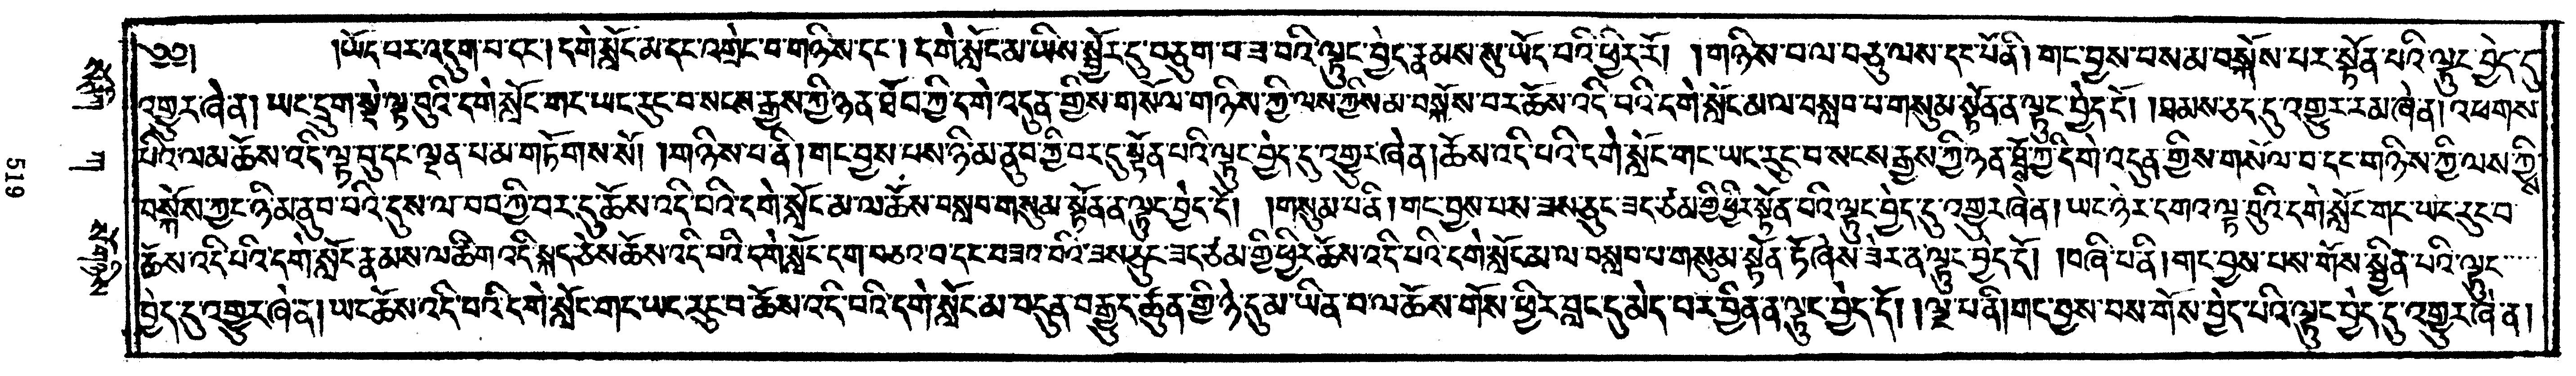༄༅། །ཡོད་པར་འདུག་པ་དང་། དགེ་སློང་མ་དང་འགྲེང་བ་གཉིས་དང་། དགེ་སློང་མ་ཡིས་སྦྱོར་དུ་བཅུག་པ་ཟ་བའི་ལྟུང་བྱེད་རྣམས་སུ་ཡོད་པའི་ཕྱིར་རོ། །གཉིས་པ་ལ་བཅུ་ལས་དང་པོ་ནི། གང་བྱས་པས་མ་བསྐོས་པར་སྟོན་པའི་ལྟུང་བྱེད་དུ་
འགྱུར་ཞེ་ན། ཡང་དྲུག་སྡེ་ལྟ་བུའི་དགེ་སློང་གང་ཡང་རུང་བ་སངས་རྒྱས་ཀྱི་ཉན་ཐོབ་ཀྱི་དགེ་འདུན་གྱིས་གསོལ་གཉིས་ཀྱི་ལས་ཀྱིས་མ་བསྐོས་པར་ཆོས་འདི་བའི་དགེ་སློང་མ་ལ་བསླབ་པ་གསུམ་སྟོན་ན་ལྟུང་བྱེད་དོ། །ཐམས་ཅད་དུ་འགྱུར་རམ་ཞེ་ན། འཕགས་
པའི་ལམ་ཆོས་འདི་ལྟ་བུ་དང་ལྡན་པ་མ་གཏོགས་སོ། །གཉིས་པ་ནི། གང་བྱས་པས་ཉི་མ་ནུབ་ཀྱི་བར་དུ་སྟོན་པའི་ལྟུང་བྱེད་དུ་འགྱུར་ཞེ་ན། ཆོས་འདི་པའི་དགེ་སློང་གང་ཡང་རུང་བ་སངས་རྒྱས་ཀྱི་ཉན་ཐོས་ཀྱི་དགེ་འདུན་གྱིས་གསོལ་བ་དང་གཉིས་ཀྱི་ལས་ཀྱིས་
བསྐོས་ཀྱང་ཉི་མ་ནུབ་པའི་དུས་ལ་བབ་ཀྱི་བར་དུ་ཆོས་འདི་པའི་དགེ་སློང་མ་ལ་ཆོས་བསླབ་གསུམ་སྟོན་ན་ལྟུང་བྱེད་དོ། །གསུམ་པ་ནི། གང་བྱས་པས་ཟས་ཅུང་ཟད་ཙམ་གྱི་ཕྱིར་སྟོན་པའི་ལྟུང་བྱེད་དུ་འགྱུར་ཞེ་ན། ཡང་ཉེར་དགའ་ལྟ་བུའི་དགེ་སློང་གང་ཡང་རུང་བ་
ཆོས་འདི་པའི་དགེ་སློང་རྣམས་ལ་ཚིག་འདི་སྐད་ཅེས་ཆོས་འདི་བའི་དགེ་སློང་དག་བཅའ་བ་དང་བཟའ་བའི་ཟས་ཅུང་ཟད་ཙམ་གྱི་ཕྱིར་ཆོས་འདི་པའི་དགེ་སློང་མ་ལ་བསླབ་པ་གསུམ་སྟོན་ཏོ་ཞེས་ཟེར་ན་ལྟུང་བྱེད་དོ། །བཞི་པ་ནི། གང་བྱས་པས་གོས་སྦྱིན་པའི་ལྟུང་
བྱེད་དུ་འགྱུར་ཞེ་ན། ཡང་ཆོས་འདི་བའི་དགེ་སློང་གང་ཡང་རུང་བ་ཆོས་འདི་བའི་དགེ་སློང་མ་བདུན་བརྒྱུད་ཚུན་གྱི་ཉེ་དུ་མ་ཡིན་པ་ལ་ཆོས་གོས་ཕྱིར་བླང་དུ་མེད་པར་བྱིན་ན་ལྟུང་བྱེད་དོ། །ལྔ་པ་ནི། གང་བྱས་པས་གོས་བྱེད་པའི་ལྟུང་བྱེད་དུ་འགྱུར་ཞེ་ན།